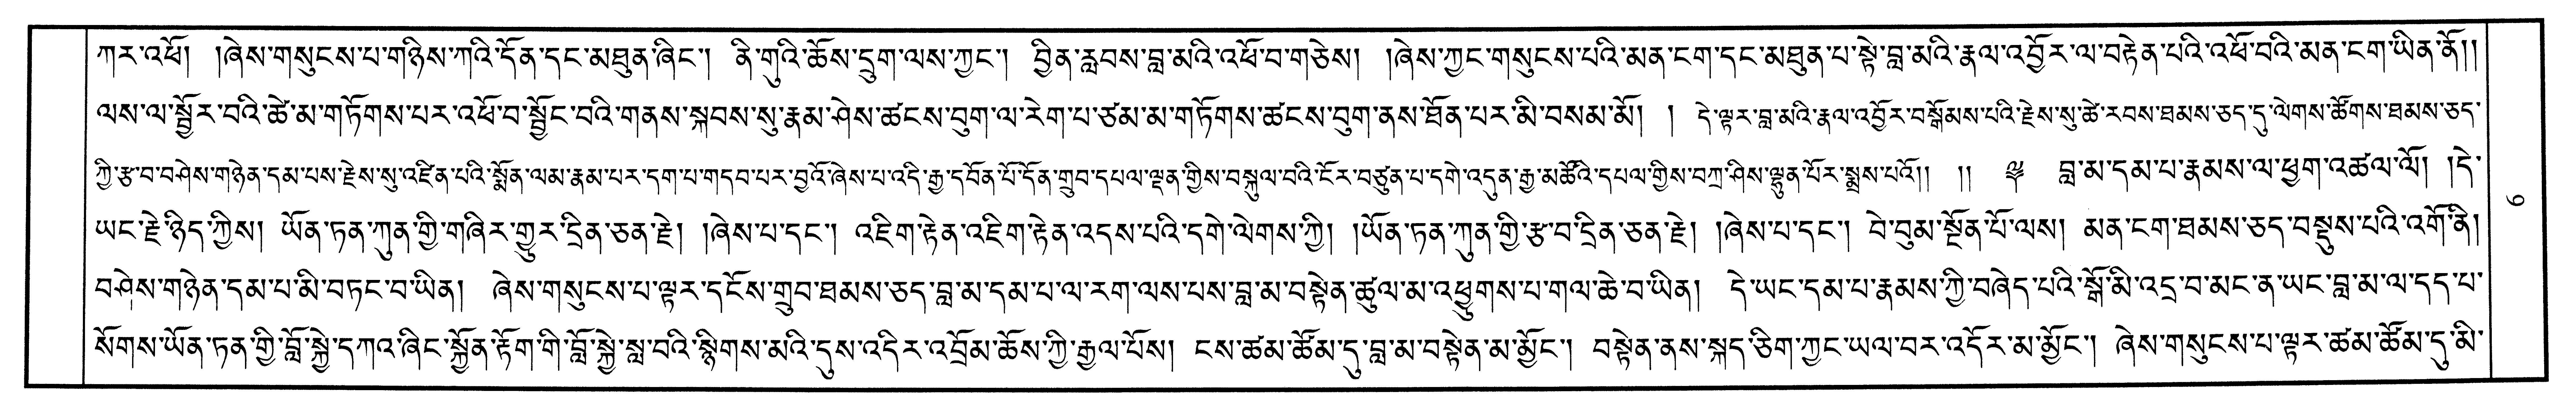ཀར་འཕོ། །ཞེས་གསུངས་པ་གཉིས་ཀའི་དོན་དང་མཐུན་ཞིང་། ནི་གུའི་ཆོས་དྲུག་ལས་ཀྱང་། བྱིན་རླབས་བླ་མའི་འཕོ་བ་གཅེས། །ཞེས་ཀྱང་གསུངས་པའི་མན་ངག་དང་མཐུན་པ་སྟེ་བླ་མའི་རྣལ་འབྱོར་ལ་བརྟེན་པའི་འཕོ་བའི་མན་ངག་ཡིན་ནོ། །
ལས་ལ་སྦྱོར་བའི་ཚེ་མ་གཏོགས་པར་འཕོ་བ་སྦྱོང་བའི་གནས་སྐབས་སུ་རྣམ་ཤེས་ཚངས་བུག་ལ་རེག་པ་ཙམ་མ་གཏོགས་ཚངས་བུག་ནས་ཐོན་པར་མི་བསམ་མོ། །དེ་ལྟར་བླ་མའི་རྣལ་འབྱོར་བསྒོམས་པའི་རྗེས་སུ་ཚེ་རབས་ཐམས་ཅད་དུ་ལེགས་ཚོགས་ཐམས་ཅད་
ཀྱི་རྩ་བ་བཤེས་གཉེན་དམ་པས་རྗེས་སུ་འཛིན་པའི་སྨོན་ལམ་རྣམ་པར་དག་པ་གདབ་པར་བྱའོ་ཞེས་པ་འདི་རྒྱ་དབོན་པོ་དོན་གྲུབ་དཔལ་ལྡན་གྱིས་བསྐུལ་བའི་ངོར་བཙུན་པ་དགེ་འདུན་རྒྱ་མཚོའི་དཔལ་གྱིས་བཀྲ་ཤིས་ལྷུན་པོར་སྨྲས་པའོ།། །། ༈ བླ་མ་དམ་པ་རྣམས་ལ་ཕྱག་འཚལ་ལོ། །དེ་
ཡང་རྗེ་ཉིད་ཀྱིས། ཡོན་ཏན་ཀུན་གྱི་གཞིར་གྱུར་དྲིན་ཅན་རྗེ། །ཞེས་པ་དང་། འཇིག་རྟེན་འཇིག་རྟེན་འདས་པའི་དགེ་ལེགས་ཀྱི། །ཡོན་ཏན་ཀུན་གྱི་རྩ་བ་དྲིན་ཅན་རྗེ། །ཞེས་པ་དང་། བེ་བུམ་སྔོན་པོ་ལས། མན་ངག་ཐམས་ཅད་བསྡུས་པའི་འགོ་ནི།
བཤེས་གཉེན་དམ་པ་མི་བཏང་བ་ཡིན། ཞེས་གསུངས་པ་ལྟར་དངོས་གྲུབ་ཐམས་ཅད་བླ་མ་དམ་པ་ལ་རག་ལས་པས་བླ་མ་བསྟེན་ཚུལ་མ་འཕྱུགས་པ་གལ་ཆེ་བ་ཡིན། དེ་ཡང་དམ་པ་རྣམས་ཀྱི་བཞེད་པའི་སྒོ་མི་འདྲ་བ་མང་ན་ཡང་བླ་མ་ལ་དད་པ་
སོགས་ཡོན་ཏན་གྱི་བློ་སྐྱེ་དཀའ་ཞིང་སྐྱོན་རྟོག་གི་བློ་སྐྱེ་སླ་བའི་སྙིགས་མའི་དུས་འདིར་འབྲོམ་ཆོས་ཀྱི་རྒྱལ་པོས། ངས་ཚམ་ཚོམ་དུ་བླ་མ་བསྟེན་མ་མྱོང་། བསྟེན་ནས་སྐད་ཅིག་ཀྱང་ཡལ་བར་འདོར་མ་མྱོང་། ཞེས་གསུངས་པ་ལྟར་ཚམ་ཚོམ་དུ་མི་